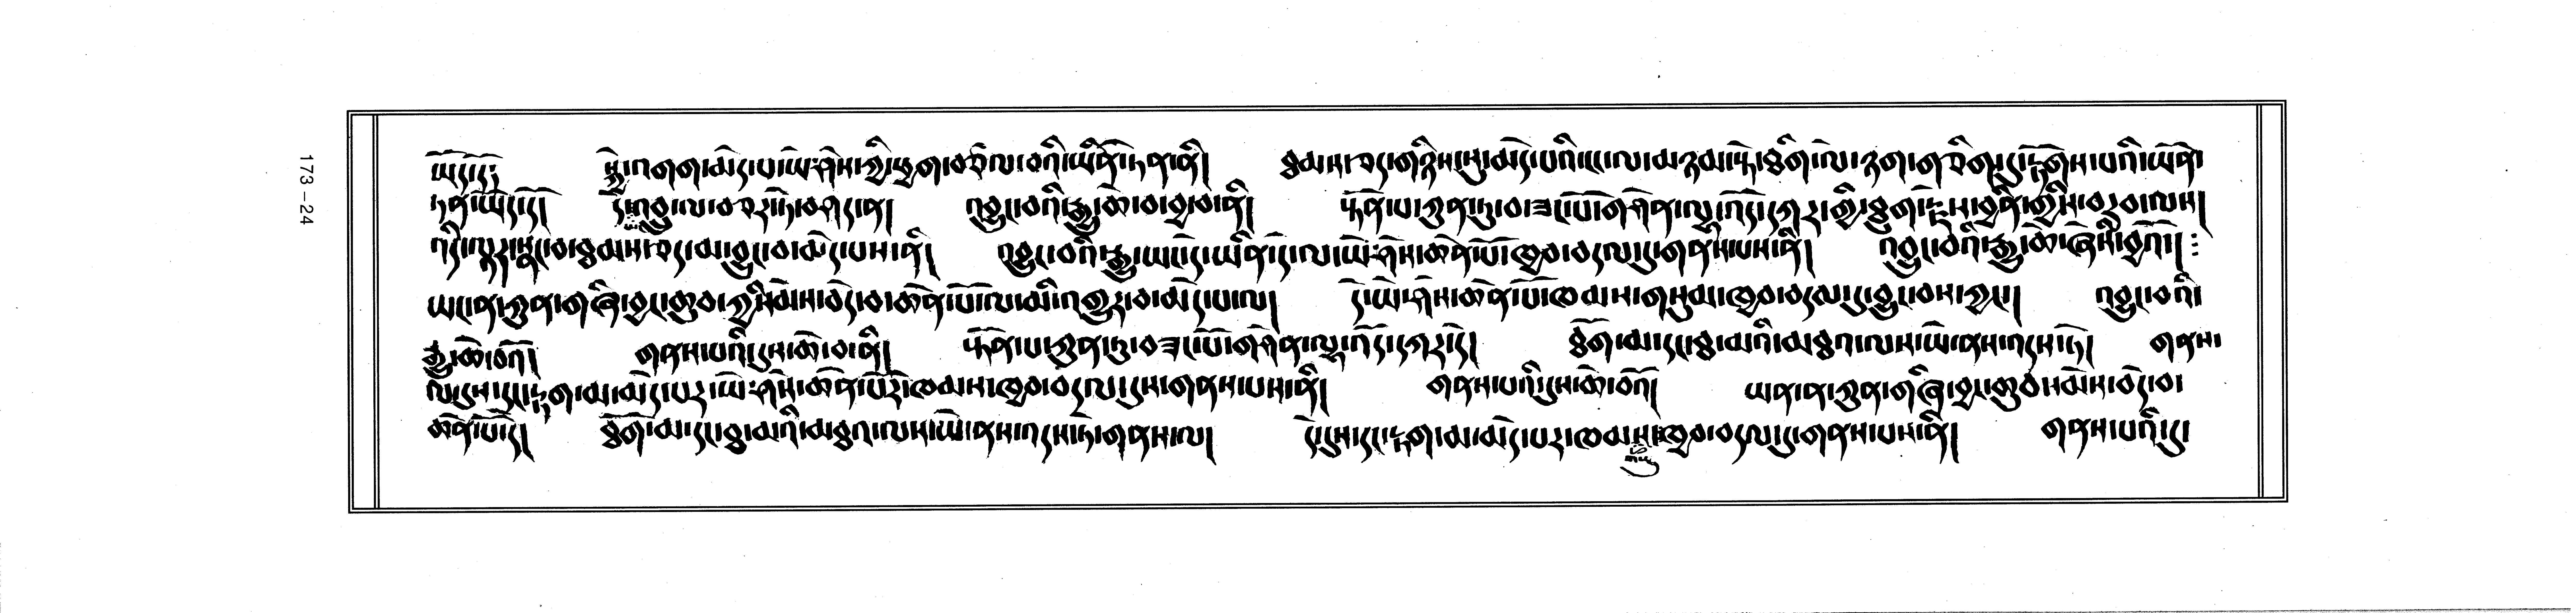ཡོད་དོ། སྐྱེ་འགག་མེད་པ་ཡེ་ཤེས་ཀྱི་ཕྱག་བཙལ་བའི་ཡོན་ཏན་ནི། ཐམས་ཅད་གཉིས་སུ་མེད་པའི་ངང་ལ་མཉམ་སྟེ་ཐིག་ལེ་ཉག་གཅིག་ཏུ་རྟོགས་པའི་ཡོན་
ཏན་ཡོད་དོ། དེ་ཡང་འབྲུ་ལ་བཅར་ཏེ་བཤད་ན། འབྱུང་བའི་རྒྱུ་ཆེ་བ་བྱ་བ་ནི། སྟོན་པ་ཀུན་ཏུ་བཟང་པོ་གཤེན་ལྷ་འོད་དཀར་གྱི་ཐུགས་རྗེས་བྱིན་གྱིས་བརླབས་ལས། 
འདི་ལྟར་གྱི་སྣང་བ་ཐམས་ཅད་མ་བྱུང་བ་མེད་པས་ནི། འབྱུང་བའི་རྒྱུ་ཡང་དེ་ཡིན་ལ་ཡེ་ཤེས་ཆེན་པོ་ཁྱབ་གདལ་དུ་གནས་པས་ནི། འབྱུང་བའི་རྒྱུ་ཆ་ཞེས་བྱའོ། 
ཡང་ན་ཀུན་གཞི་བྱང་ཆུབ་ཀྱི་སེམས་བདེ་བ་ཆེན་པོ་ལ་མི་འགྱུར་བ་མེད་པ་ལ། དེ་ཡེ་ཤེས་ཆེན་པོ་ཁམས་གསུམ་ཁྱབ་བདལ་དུ་བྱུང་བས་ཀྱང་། འབྱུང་བའི་
རྒྱུ་ཆེ་བའོ། །གནས་པའི་དུས་ཆེ་བ་ནི། སྟོན་པ་ཀུན་ཏུ་བཟང་པོ་གཤེན་ལྷ་འོད་དཀར་དེ། ཐོག་མ་དང་ཐ་མའི་མཐའ་ལས་ཡེ་ནས་འདས་ཏེ། གནས་
ལ་དུས་དང་རྟག་མ་མེད་པར་ཡེ་ཤེས་ཆེན་པོར་ཁམས་ཁྱབ་བདལ་དུ་གནས་པས་ནི། གནས་པའི་དུས་ཆེ་བའོ། །ཡང་ན་ཀུན་གཞི་བྱང་ཆུབ་སེམས་བདེ་བ་
ཆེན་པོ་དེ། ཐོག་མ་དང་ཐ་མའི་མཐའ་ལས་ཡེ་ནས་འདས་ཏེ་གནས་ལ། དེ་དུས་དང་རྟག་མ་མེད་པར་ཁམས་གསུམ་ཁྱབ་བདལ་དུ་གནས་པ་ནི། གནས་པའི་དུས་